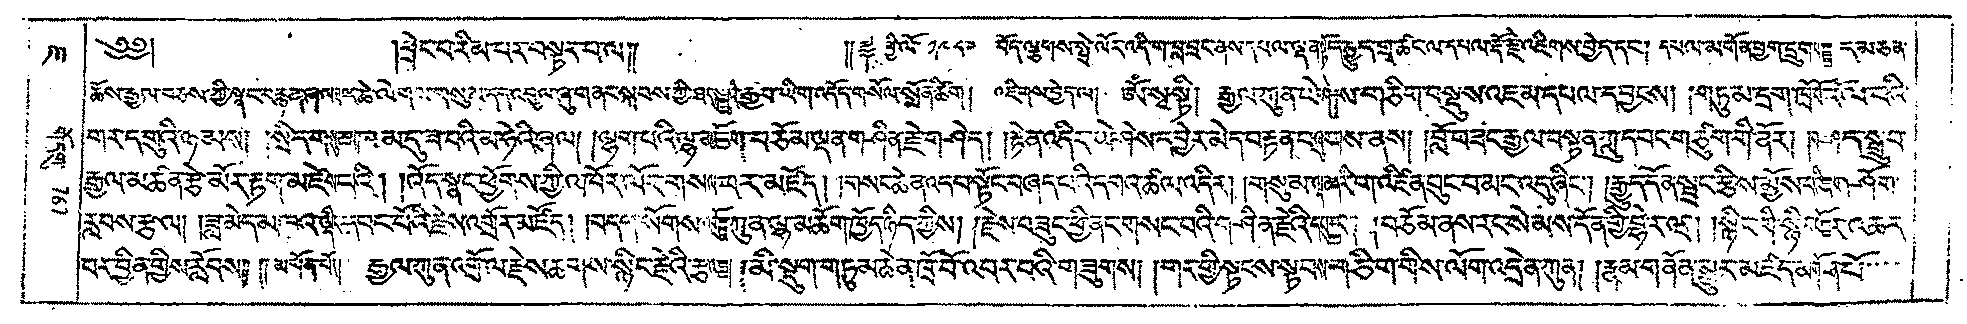༄༅། །ཕྲེང་བ་རིམ་པར་བསྟར་བ་ལ།། །། ༈ ཕྱི་ལོ ༡༩༨༠་བོད་ལྕགས་སྤྲེ་ལོར་འདི་ག་བླ་བྲང་ནས་དཔལ་ལྡན་སྟོད་རྒྱུད་གྲྭ་ཚང་ལ་དཔལ་རྡོ་རྗེ་འཇིགས་བྱེད་དང་། དཔལ་མགོན་ཕྱག་དྲུག་པ། དམ་ཅན་
ཆོས་རྒྱལ་བཅས་ཀྱི་སྣང་བརྙན་ཞལ་ཐང་ཆེ་ལེགས་གསུམ་དད་འབུལ་ཞུ་གནང་སྐབས་ཀྱི་ཐང་སྐུའི་རྒྱབ་ཡིག་འདོད་གསོལ་སྨོན་ཚིག །འཇིགས་བྱེད་ལ། ཨོཾ་སྭ་སྟི། རྒྱལ་ཀུན་ཡེ་ཤེས་གཅིག་བསྡུས་འཇམ་དཔལ་དབྱངས། །གཏུམ་དྲག་ཁྲོ་བོ་རོལ་པའི་
གར་དགུའི་ཉམས། །སྲིད་གསུམ་ཁམ་དུ་ཟ་བའི་མ་ཧེའི་ཞལ། །ལྷག་པའི་ལྷ་མཆོག་བཅོམ་ལྡན་གཤིན་རྗེ་གཤེད། །རྟེན་འདིར་ཡེ་ཤེས་དབྱེར་མེད་བརྟན་བཞུགས་ནས། །བློ་བཟང་རྒྱལ་བསྟན་ཀླུ་དབང་གཙུག་གི་ནོར། །བཤད་སྒྲུབ་
རྒྱལ་མཚན་རྩེ་མོར་རྟག་མཛེས་པའི། །འོད་སྣང་ཕྱོགས་ཀྱི་འཁོར་ལོར་གསལ་བར་མཛོད། །གསང་ཆེན་འདབ་སྟོང་བཞད་པའི་དགའ་ཚལ་འདིར། །གསུམ་ལྡན་རིག་འཛིན་བུང་བ་མང་འདུ་ཞིང་། །རྒྱུད་དོན་སྦྲང་རྩིས་མྱོས་པའི་གཤོག་
རླབས་རྩལ། །ཟླ་མེད་མཁའ་ལྡིང་དབང་པོའི་རྗེས་འགྲོར་མཛོད། །བདག་སོགས་འགྲོ་ཀུན་ལྷ་མཆོག་ཁྱོད་ཉིད་ཀྱིས། །རྗེས་བཟུང་ཕྱི་ནང་གསང་བའི་གཤིན་རྗེའི་དཔུང་། །བཅོམ་ནས་རང་སེམས་དོན་གྱི་བྷེ་ར་ཝ། །སྙིང་གི་སྙིང་པོར་འཆར་
བར་བྱིན་གྱིས་རློབས།། །། མགོན་པོར།  རྒྱལ་ཀུན་འགྲོ་ལ་རྗེས་ཆགས་སྙིང་རྗེའི་རྩལ། །མི་སྡུག་གཏུམ་ཆེན་ཁྲོ་བོ་འབར་བའི་གཟུགས། །གར་གྱི་སྟངས་སྟབས་གཅིག་གིས་ལོག་འདྲེན་ཀུན། །རྣམ་གནོན་མྱུར་མཛད་མགོན་པོ་